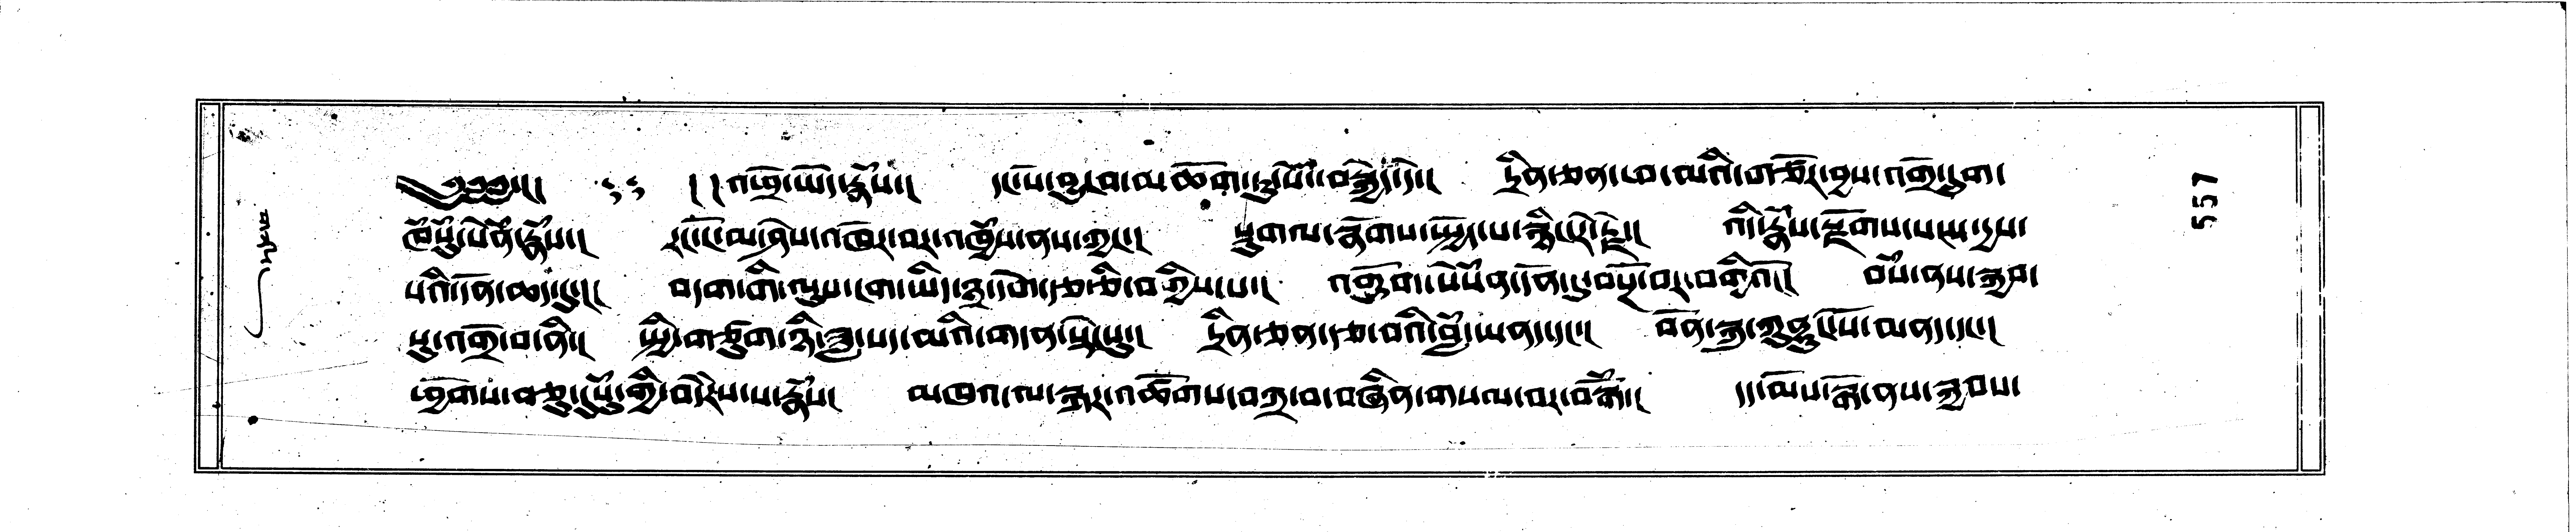འཕྲོ་ཡོད་རྣམས། དང་པོ་བྱང་ཆུབ་མཆོག་ཏུ་སེམས་བསྐྱེད་དེ། དྲིན་ཅན་ཕ་མའི་གཙོར་བྱས་འགྲོ་དྲུག་
ཁམས་གསུམ་ཅན་རྣམས། རང་ངོ་མ་ཤེས་འཁོར་བར་འཁྱམས་ནས་ཀྱང་། སྡུག་བསྔལ་སྣ་ཚོགས་སྤྱོད་པ་སྙིང་རེ་རྗེ། འདི་རྣམས་རྫོགས་སངས་རྒྱས་
པའི་དོན་ཆེན་དུ། བདག་གིས་ལུས་ངག་ཡིད་གསུམ་དགེ་རྩ་ཅི་བགྱིས་པ། འགྲོ་དྲུག་སེམས་ཅན་དོན་དུ་བསྔོ་བར་བགྱིའོ། བསམ་ནས་སྐྱབས་
སུ་འགྲོ་བ་ནི། སྤྱི་གཙུག་ཉི་ཟླ་པད་མའི་གདན་སྟེང་དུ། དྲིན་ཅན་རྩ་བའི་བླ་མ་ཡན་ཆད་དང། བོན་སྐུ་ཀུན་དུ་བཟང་པོ་མན་ཆད་དང་།
 ཕྱོགས་བཅུ་དུས་གསུམ་གྱིས་བདེ་བར་གཤེགས་པ་རྣམས། མཁའ་ལ་སྐར་ཚོགས་བཀྲ་བ་བཞིན། གསལ་བར་བསྒོམ། དད་མོས་སྒོ་ནས་སྐྱབས་